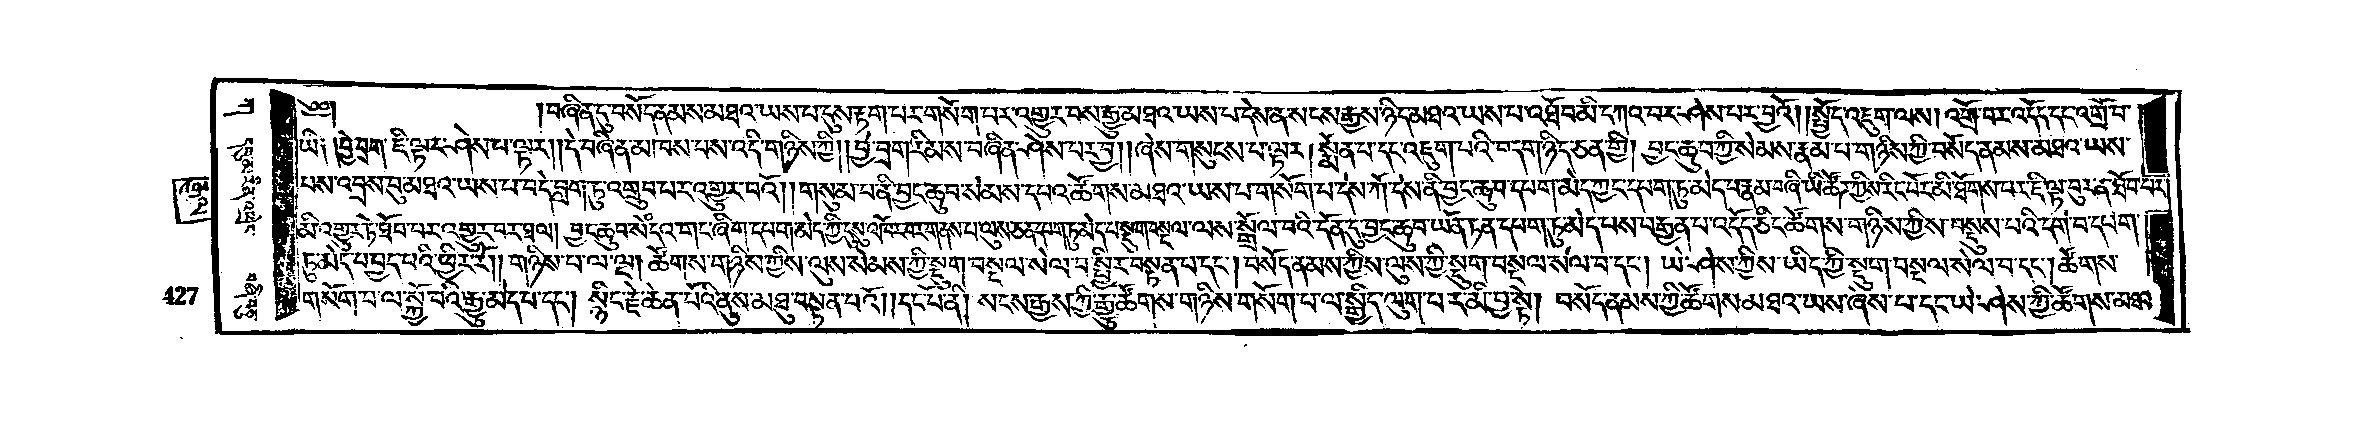༄༅། །བཞིན་དུ་བསོད་ནམས་མཐའ་ཡས་པ་དུས་རྟག་པར་གསོག་པར་འགྱུར་བས་རྒྱུ་མཐའ་ཡས་པ་དེས་ན་སངས་རྒྱས་ཉིད་མཐའ་ཡས་པ་འཐོབ་མི་དཀའ་བར་ཤེས་པར་བྱའོ། །སྤྱོད་འཇུག་ལས། འགྲོ་བར་འདོད་དང་འགྲོ་བ་
ཡི། །བྱེ་བྲག་ཇི་ལྟར་ཤེས་པ་ལྟར། །དེ་བཞིན་མཁས་པས་འདི་གཉིས་ཀྱི། །བྱེ་བྲག་རིམས་བཞིན་ཤེས་པར་བྱ། །ཞེས་གསུངས་པ་ལྟར། སྨོན་པ་དང་འཇུག་པའི་བདག་ཉིད་ཅན་གྱི། བྱང་ཆུབ་ཀྱི་སེམས་རྣམ་པ་གཉིས་ཀྱི་བསོད་ནམས་མཐའ་ཡས་
པས་འབྲས་བུ་མཐའ་ཡས་པ་བདེ་བླག་ཏུ་འགྲུབ་པར་འགྱུར་བའོ། །གསུམ་པ་ནི་བྱང་ཆུབ་སེམས་དཔའ་ཚོགས་མཐའ་ཡས་པ་གསོག་པ་དེས་ཀོ་དེས་ནི་བྱང་ཆུབ་དཔག་མེད་ཀྱང་དཔག་ཏུ་མེད་པ་རྣམ་བཞི་ཡི་ཚོགས་ཀྱིས་རིང་པོར་མི་ཐོགས་པར་ཇི་ལྟ་བུར་ན་ཐོབ་པར་
མི་འགྱུར་ཏེ་ཐོབ་པར་འགྱུར་བར་ཐལ། བྱང་ཆུབ་སེམས་དཔའ་གང་ཞིག་དཔག་མེད་ཀྱི་དུས་སུ་འཁོར་བར་གནས་པ་ལུས་ཅན་དཔག་ཏུ་མེད་པ་སྡུག་བསྔལ་ལས་སྒྲོལ་བའི་དོན་དུ་བྱང་ཆུབ་ཡོན་ཏན་དཔག་ཏུ་མེད་པས་བརྒྱན་པ་འདོད་ཅིང་ཚོགས་གཉིས་ཀྱིས་བསྡུས་པའི་དགེ་བ་དཔག་
ཏུ་མེད་པ་བྱད་པའི་ཕྱིར་རོ། །གཉིས་པ་ལ་ལྔ། ཚོགས་གཉིས་ཀྱིས་ལུས་སེམས་ཀྱི་སྡུག་བསྔལ་སེལ་བ་སྤྱིར་བསྟན་པ་དང་། བསོད་ནམས་ཀྱིས་ལུས་ཀྱི་སྡུག་བསྔལ་སེལ་བ་དང་། ཡེ་ཤེས་ཀྱིས་ཡིད་ཀྱི་སྡུག་བསྔལ་སེལ་བ་དང་། ཚོགས་
གསོག་པ་ལ་སྐྱེ་བོའི་རྒྱུ་མེད་པ་དང་། སྙིང་རྗེ་ཆེན་པོའི་ནུས་མཐུ་བསྟན་པའོ། །དང་པོ་ནི། སངས་རྒྱས་ཀྱི་རྒྱུ་ཚོགས་གཉིས་གསོག་པ་ལ་སྒྱིད་ལུག་པར་མི་བྱ་སྟེ། བསོད་ནམས་ཀྱི་ཚོགས་མཐའ་ཡས་ཞེས་པ་དང་ཡེ་ཤེས་ཀྱི་ཚོགས་ཏྨྷའ་